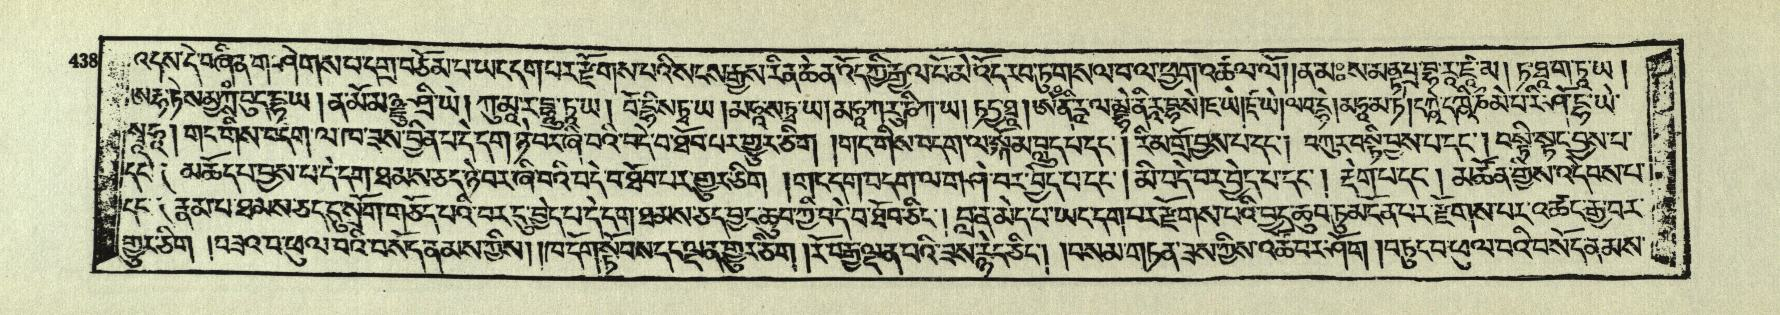འདས་དེ་བཞིན་གཤེགས་པ་དགྲ་བཅོམ་པ་ཡང་དག་པར་རྫོགས་པའི་སངས་རྒྱས་རིན་ཆེན་འོད་ཀྱི་རྒྱལ་པོ་མེ་འོད་རབ་ཏུ་གསལ་བ་ལ་ཕྱག་འཚལ་ལོ། །ན་མཿསམནྟ་པྲ་བྷ་རཱ་ཛཱ་མ། ཏ་ཐཱ་ག་ཏཱ་ཡ།
ཨརྷ་ཏེ་སམྱཀྶཾ་བུད་དྷ་ཡ། ན་མོ་མཉྫུ་ཤྲི་ཡེ། ཀུན་མཱ་ར་བྷཱུ་ཏཱ་ཡ། བོ་དྷི་སཏྭ་ཡ། མཧཱ་སཏྭ་ཡ། མཧཱ་ཀ་རུ་ཎི་ཀ་ཡ། ཏདྱ་ཐཱ། ཨོཾ་ནི་རཱ་ལ་མྦྷེ་ནི་རཱ་བྷ་སེ། ཇ་ཡེ། ཛ་ཡེ། ལབ་དྷེ། མཧཱ་མ་ཏེ། དཀྵེ་དཀྵི་ཎྀ་མེ་པ་རི་ཤོ་དྷ་ཡེ་
སྭཱཧཱ། གང་གིས་བདག་ལ་ཁ་ཟས་བྱིན་པ་དེ་དག་ཉེ་བར་ཞི་བའི་བདེ་བ་ཐོབ་པར་གྱུར་ཅིག །གང་གིས་བདག་ལ་སྐོམ་བླུད་པ་དང་། རིམ་གྲོ་བྱས་པ་དང་། བཀུར་བསྟི་བྱས་པ་དང་། བསྟི་སྟང་བྱས་པ་
དང༑ མཆོད་པ་བྱས་པ་དེ་དག་ཐམས་ཅད་ཉེ་བར་ཞི་བའི་བདེ་བ་ཐོབ་པར་གྱུར་ཅིག །གང་དག་བདག་ལ་གཤེ་བར་བྱེད་པ་དང་། མི་བདེ་བ་བྱེད་པ་དང་། རྡེག་པ་དང་། མཚོན་གྱིས་འདེབས་པ་
དང༑ རྣམ་པ་ཐམས་ཅད་དུ་སྲོག་གཅོད་པའི་བར་དུ་བྱེད་པ་དེ་དག་ཐམས་ཅད་བྱང་ཆུབ་ཀྱི་བདེ་བ་ཐོབ་ཅིང་། བླ་ན་མེད་པ་ཡང་དག་པར་རྫོགས་པའི་བྱང་ཆུབ་ཏུ་མངོན་པར་རྫོགས་པར་འཚང་རྒྱ་བར་
གྱུར་ཅིག །བཟའ་བ་ཕུལ་བའི་བསོད་ནམས་ཀྱིས། །ཁ་དོག་སྟོབས་དང་ལྡན་གྱུར་ཅིག །རོ་བརྒྱ་ལྡན་པའི་ཟས་རྙེད་ཅིང་། །བསམ་གཏན་ཟས་ཀྱིས་འཚོ་བར་ཤོག །བཏུང་བ་ཕུལ་བའི་བསོད་ནམས་